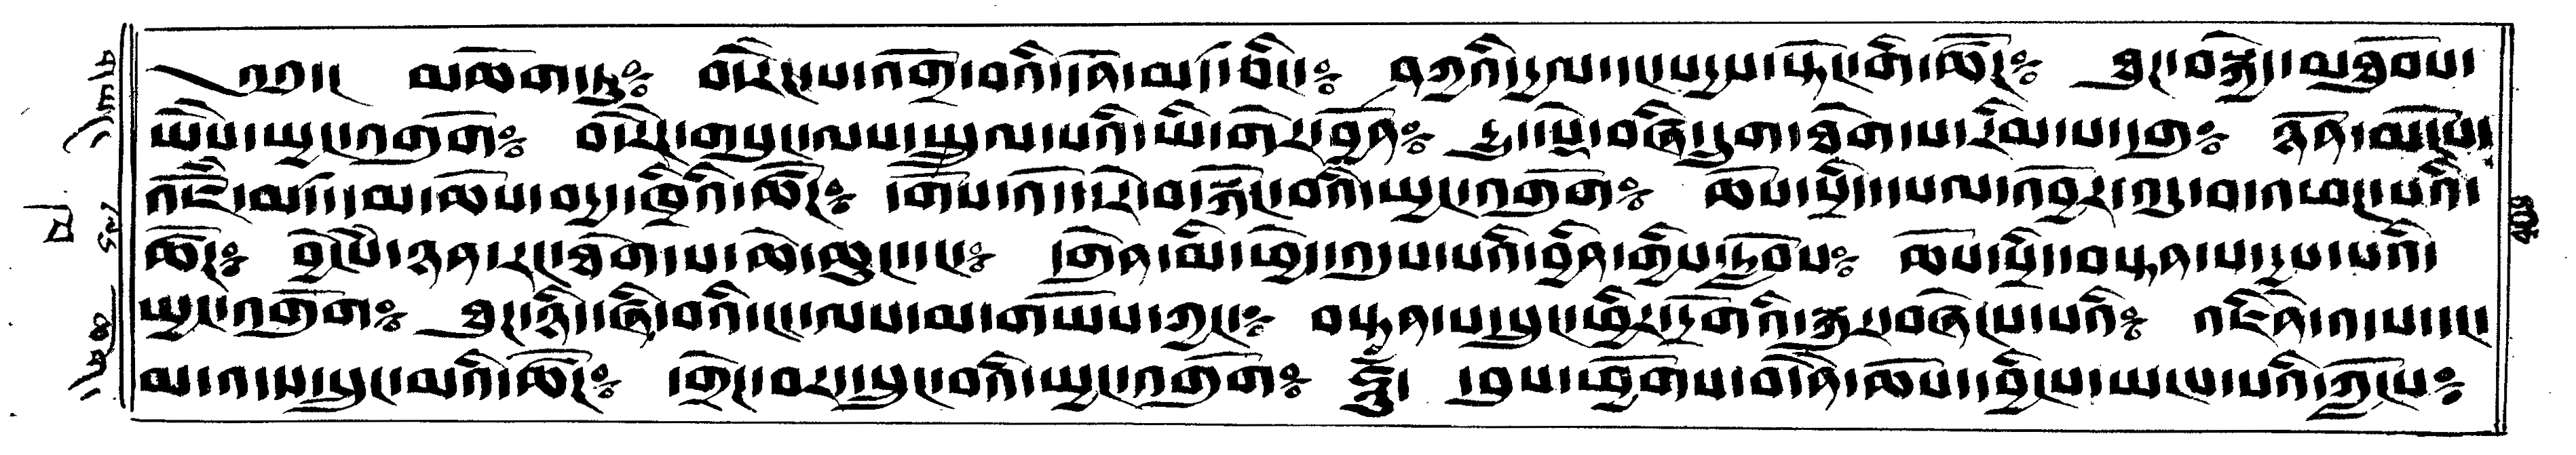མཆོག་ཏུ༔ བདེ་བར་གཤེགས་པ་འགྲོ་བའི་དོན་མཛད་ཅིང༔ ཤཀྱའི་རྒྱལ་དང་སངས་རྒྱས་སྟོང་གི་ཚོགས༔ ཐུགས་བསྐྱེད་མཐུ་སྟོབས་
ཡེ་ཤེས་གཡང་འགུག་གོ༔ བདེ་གཤེགས་གསུང་ལས་སྤྲུལ་པའི་ཡི་གེར་བྱོན༔ རྒྱུད་སྡེ་བཞི་དྲུག་ཐེག་པ་རིམ་པ་དགུ༔ ཉོན་མོངས་
འཇོམ་མཛད་དམ་ཆོས་བརྒྱད་ཁྲིའི་ཚོགས༔ དགོས་འདོད་རེ་བ་སྐོང་བའི་གཡང་འགུག་གོ༔ ཆོས་སྲིད་དཔལ་འབྱོར་འདུ་བ་འཕགས་པའི་
ཚོགས༔ བྱང་སེམས་ཉན་རང་ཐེག་པ་ཆེ་ཆུང་དང༔ དགེ་འདུན་མི་ཕྱེད་འདུས་པའི་བྱིན་གྱིས་རླབས༔ ཆོས་སྲིད་བསྟན་པ་རྒྱས་པའི་
གཡང་འགུག་གོ༔ ཐུགས་ཉིད་ཞི་བའི་ངང་ལས་མ་གཡོས་ཀྱང༔ བསྟན་པ་སྲུང་ཕྱིར་དྲག་པའི་སྐུར་བཞེངས་པའི༔ འཇིག་རྟེན་འདས་དང་
མ་འདས་སྲུང་མའི་ཚོགས༔དགྲ་གེགས་བར་ཆད་སྲུང་བའི་གཡང་འགུག་གོ༔ ཧཱུྃ༔ དབུས་ཕྱོགས་བདེ་ཆེན་ཆོས་དབྱིངས་ཡངས་པའི་ཀློང༔